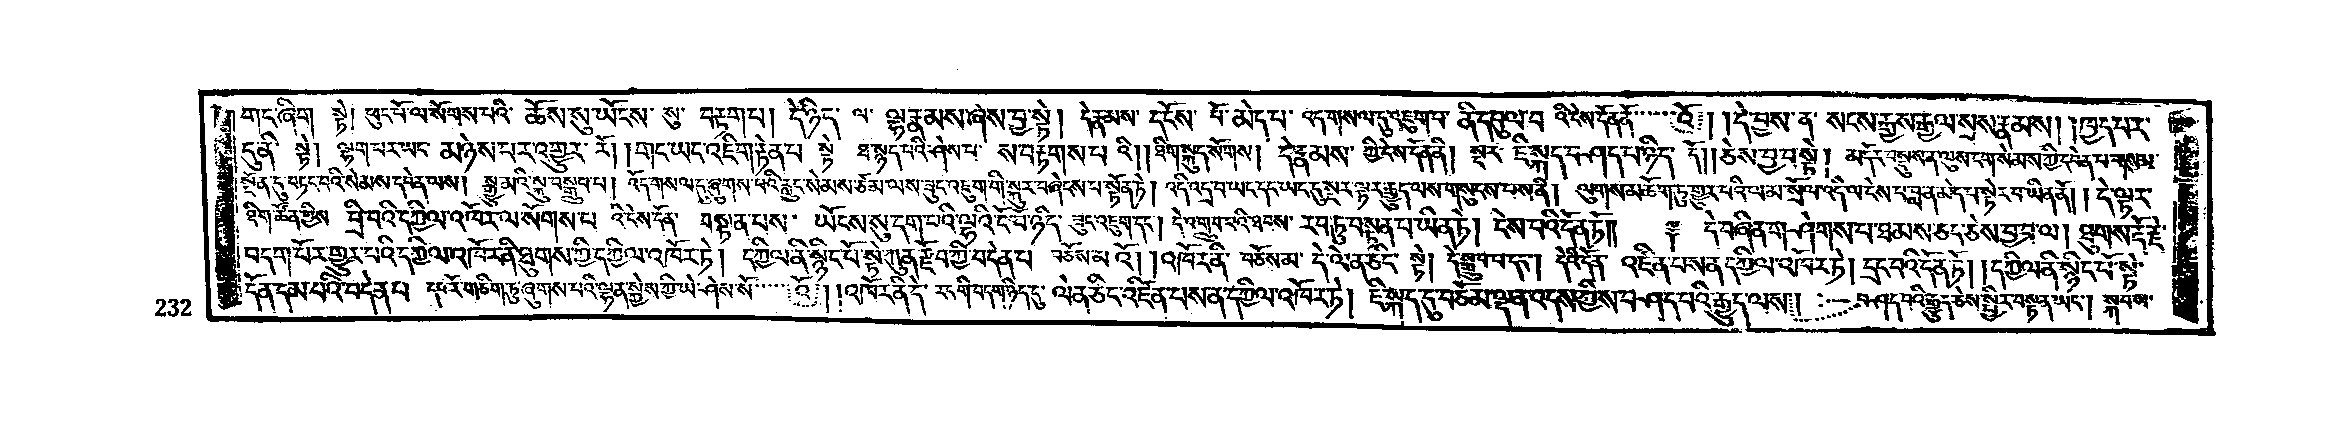གང་ཞིག་སྟེ། ཕུང་པོ་ལ་སོགས་པའི་ཆོས་སུ་ཡོངས་སུ་བརྟག་པ། དེ་ཉིད་ལ་ལྷ་རྣམས་ཞེས་བྱ་སྟེ། དེ་རྣམས་དངོས་པོ་མེད་པ་འོད་གསལ་དུ་འཇུག་པ་ནི་དབུལ་བའི་ངེས་དོན་ནོ་འོ། །དེ་བྱས་ན་སངས་རྒྱས་རྒྱལ་སྲས་རྣམས། །ཁྱད་པར་
དུ་ནི་སྟེ། ལྷག་པར་ཡང་མཉེས་པར་འགྱུར་རོ། །གང་ཡང་འཇིག་རྟེན་པ་སྟེ་ཐ་སྙད་པའི་ཤེས་པ་ས་བརྟགས་པའི། །ཐིག་སྐུད་སོགས། དེ་རྣམས་ཀྱི་ངེས་དོན་ནི། སྔར་ཇི་སྐད་བཤད་པ་ཉིད་དོ། །ཅེས་བྱ་བ་སྟེ། མདོར་བསྡུས་ན་ལུས་ངག་སེམས་ཀྱི་དབེན་པ་གསུམ་
སྔོན་དུ་བཏང་བའི་སེམས་དབེན་ལས། སྒྱུ་མའི་སྐུ་བསྒྲུབ་པ། འོད་གསལ་དུ་ཞུགས་པའི་རླུང་སེམས་ཙམ་ལས་ཟུང་འཇུག་གི་སྐུར་བཞེངས་པ་སྟོན་ཏེ། འདི་འདྲ་བ་ཡང་དང་ཡང་དུ་སྔར་ལྟར་རྒྱུད་ལས་གསུངས་པས་ནི། ལུགས་མཆོག་ཏུ་གྱུར་པའི་ལམ་སྲོལ་འདི་ལ་ངེས་པ་བླ་ན་མེད་པ་སྟེར་བ་ཡིན་ནོ། །དེ་ལྟར་
ཐིག་ཚོན་གྱིས་བྲི་བའི་དཀྱིལ་འཁོར་ལ་སོགས་པའི་ངེས་དོན་བསྟན་པས། ཡོངས་སུ་དག་པའི་ལྷའི་ངོ་བོ་ཉིད་ཟུང་འཇུག་དང་། དེ་འགྲུབ་པའི་ཐབས་རབ་ཏུ་བསྟན་པ་ཡིན་ཏེ། ངེས་པའི་དོན་ཏོ།། ༈ དེ་བཞིན་གཤེགས་པ་ཐམས་ཅད་ཅེས་བྱ་བ་ལ། ཐུགས་རྡོ་རྗེ་
བདག་པོར་གྱུར་པའི་དཀྱིལ་འཁོར་ནི་ཐུགས་ཀྱི་དཀྱིལ་འཁོར་ཏེ། དཀྱིལ་ནི་སྙིང་པོ་སྟེ་ཀུན་རྫོབ་ཀྱི་བདེན་པ་་བཅོས་མའོ། །འཁོར་ནི་བཅོས་མ་དེ་ལེན་ཅིང་སྟེ། དེ་སྒྲུབ་པ་དང་། དེའི་དོན་འཛིན་པས་ན་དཀྱིལ་འཁོར་ཏེ། དྲང་བའི་དོན་ཏོ། །དཀྱིལ་ནི་སྙིང་པོ་སྟེ་
དོན་དམ་པའི་བདེན་པ་དང་རོ་གཅིག་ཏུ་ཞུགས་པའི་ལྷན་སྐྱེས་ཀྱི་ཡེ་ཤེས་སོ་འོ། །འཁོར་ནི་དེ་རང་གི་བདག་ཉིད་དུ་ལེན་ཅིང་འཛིན་པས་ན་དཀྱིལ་འཁོར་ཏེ། ཇི་སྐད་དུ་བཅོམ་ལྡན་འདས་ཀྱིས་བཤད་པའི་རྒྱུད་ལས། H.་བཤད་པའི་རྒྱུད་ཅེས་སྤྱིར་བསྟན་ཡང་། སྐབས་